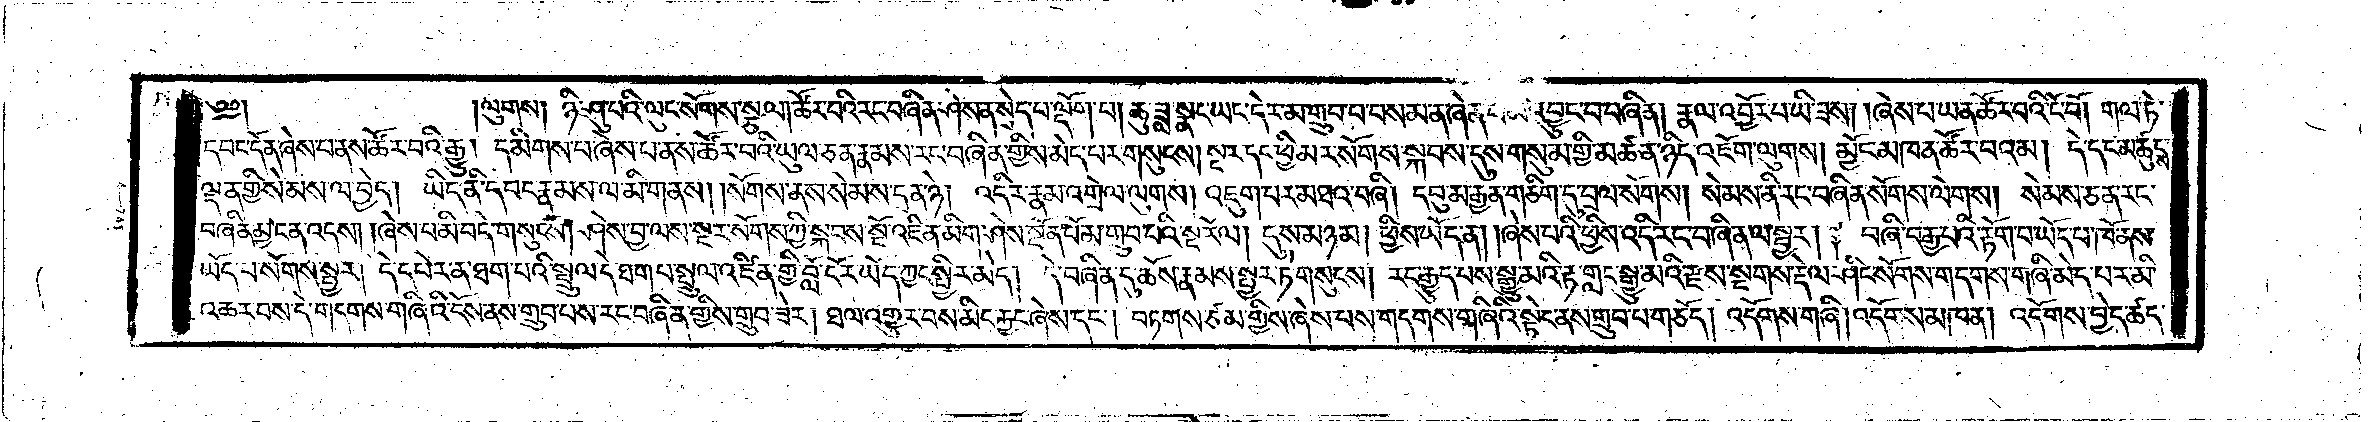༄༅། །ལུགས། ཉི་ཤུ་པའི་ལུང་སོགས་སྩལ། ཚོར་བའི་རང་བཞིན་ཤེས་ན་སྲེད་པ་ལྡོག་པ། ཆུ་ཟླ་སྣང་ཡང་དེར་མ་གྲུབ་པ་བསམ་ན་ཞེན་པ་མི་འབྱུང་བ་བཞིན། རྣལ་འབྱོར་པ་ཡི་ཟས། །ཞེས་པ་ཡན་ཚོར་བའི་ངོ་བོ། གལ་ཏེ་
དབང་དོན་ཞེས་པ་ནས་ཚོར་བའི་རྒྱུ། དམིགས་པ་ཞེས་པ་ནས་ཚོར་བའི་ཡུལ་ཅན་རྣམས་རང་བཞིན་གྱིས་མེད་པར་གསུངས། སྔར་དང་ཕྱི་མར་སོགས་སྐབས་དུས་གསུམ་གྱི་མཚན་ཉིད་འཇོག་ལུགས། མྱོང་མཁན་ཚོར་བའམ། དེ་དང་མཚུངས་
ལྡན་གྱི་སེམས་ལ་བྱེད། ཡིད་ནི་དབང་རྣམས་ལ་མི་གནས། །སོགས་ནས་སེམས་དན་ཉེ། འདིར་རྣམ་འགྲེལ་ལུགས། འཇུག་པར་མཐའ་བཞི། དབུ་མ་རྒྱན་གཅིག་དུ་བྲལ་སོགས། སེམས་ནི་རང་བཞིན་སོགས་ལེགས། སེམས་ཅན་རང་
བཞིན་མྱ་ངན་འདས། །ཞེས་པ་མི་བདེ་གསུངས། ཤེས་བྱ་ལས་སྔར་སོགས་ཀྱི་སྐབས་སྔོ་འཛིན་མིག་ཤེས་སྔོན་པོ་མ་གྲུབ་པའི་སྔ་རོལ། དུས་མཉམ། ཕྱིས་ཡོད་ན། །ཞེས་པའི་ཕྱིས་འདི་རང་བཞིན་ལ་སྦྱར། ༈ བཞི་བརྒྱ་པའི་རྟོག་པ་ཡོད་པ་ཁོ་ནས་
ཡོད་པ་སོགས་སྦྱར། དེ་དཔེར་ན་ཐག་པའི་སྤྲུལ་དེ་ཐག་པ་སྤྲུལ་འཛིན་གྱི་བློ་ངོར་ཡོད་ཀྱང་སྤྱིར་མེད། དེ་བཞིན་དུ་ཆོས་རྣམས་སྦྱར་ཏེ་གསུངས། རང་རྒྱུད་པས་སྒྱུ་མའི་རྟ་གླང་སྒྱུ་མའི་རྫས་སྔགས་རྡེལ་ཤིང་སོགས་གདགས་གཞི་མེད་པར་མི་
འཆར་བས་དེ་གདགས་གཞིའི་ངོས་ནས་གྲུབ་པས་རང་བཞིན་གྱིས་གྲུབ་ཟེར། ཐལ་འགྱུར་བས་མིང་རྐྱང་ཞེས་དང་། བཏགས་ཙམ་གྱིས་ཞེས་པས་གདགས་གཞིའི་སྟེང་ནས་གྲུབ་པ་གཅོད། འདོགས་གཞི། འདོགས་མཁན། འདོགས་བྱེད་ཚད་